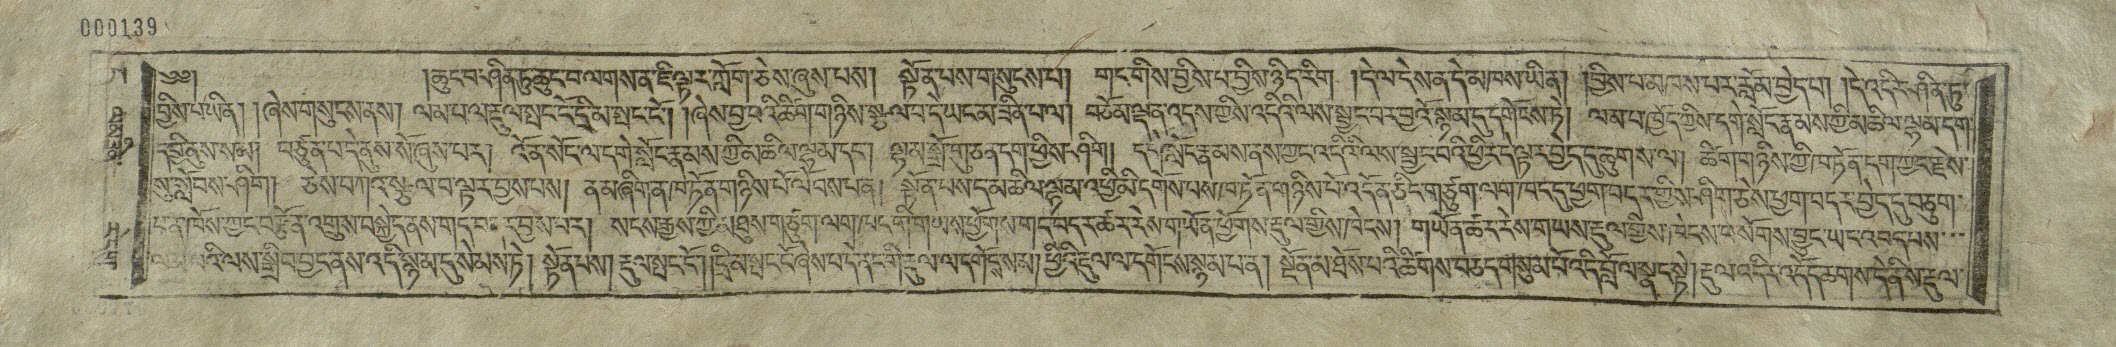༄༅། །ཆུང་བ་ཤིན་ཏུ་ཆུང་བ་ལགས་ན་ཇི་ལྟར་ཀློག་ཅེས་ཞུས་པས། སྟོན་པས་གསུངས་པ། གང་གིས་བྱིས་པ་བྱིས་ཉིད་རིག །དེ་ལ་དེས་ན་དེ་མཁས་ཡིན། །བྱིས་པ་མཁས་པར་རློམ་བྱེད་པ། །དེ་འདིར་ཤིན་ཏུ་
བྱིས་པ་ཡིན། །ཞེས་གསུངས་ནས། ལམ་པ་ལ་རྡུལ་སྤང་ངོ་དྲི་མ་སྤང་ངོ། །ཞེས་བྱ་བའི་ཚིག་གཉིས་སྩལ་བ་དེ་ཡང་མ་ཟིན་པ་ལ། བཅོམ་ལྡན་འདས་ཀྱིས་འདིའི་ལས་སྦྱང་བར་བྱའོ་སྙམ་དུ་དགོངས་ཏེ། ལམ་པ་ཁྱོད་ཀྱིས་དགེ་སློང་རྣམས་ཀྱི་མཆིལ་ལྷ་མ་དག་
དབྱི་ནུས་སམ། བཙུན་པ་དེ་ནུས་སོ་ཞུས་པར། འོ་ན་སོང་ལ་དགེ་སློང་རྣམས་ཀྱི་མཆིལ་ལྷ་མ་དང་། ལྷམ་སྒྲོ་གུ་ཅན་དག་ཕྱིས་ཤིག །དགེ་སློང་རྣམས་ནས་ཀྱང་འདིའི་ལས་སྦྱང་བའི་ཕྱིར་དེ་ལྟར་བྱེད་དུ་ཆུགས་ལ། ཚིག་གཉིས་ཀྱི་ཁ་ཏོན་དག་ཀྱང་རྗེས་
སུ་སློབས་ཤིག །ཅེས་བཀའ་སྩལ་བ་ལྟར་བྱས་པས། ནམ་ཞིག་ན་ཁ་ཏོན་གཉིས་པོ་ལོབས་པ་ན། སྟོན་པས་ད་མཆིལ་ལྷམ་འཕྱི་མི་དགོས་པས་ཁ་ཏོན་གཉིས་པོ་འདོན་ཅིང་གཙུག་ལག་ཁང་དུ་ཕྱག་བདར་གྱིས་ཤིག་ཅེས་ཕྱག་བདར་བྱེད་དུ་བཅུག་
པ་ན་ཁོས་ཀྱང་བརྩོན་འགྲུས་བསྐྱེད་ནས་གད་བདར་བྱས་པར། སངས་རྒྱས་ཀྱི་མཐུས་གཙུག་ལག་ཁང་གི་གཡས་ཕྱོགས་གད་?་བདར་ཚར་རེས་གཡོན་ཕྱོགས་རྡུལ་གྱིས་ཁེངས། གཡོན་ཚར་རེས་གཡས་རྡུལ་གྱིས་ཁེངས་པ་སོགས་བྱུང་ཡང་འབད་པས་
ལམ་པའི་ལས་སྒྲིབ་བྱང་ནས་འདི་སྙམ་དུ་སེམས་ཏེ། སྟོན་པས། རྡུལ་སྤང་ངོ། །དྲི་མ་སྤང་ངོ་ཞེས་པ་དེ་ནང་གི་རྡུལ་ལ་དགོངས་སམ། ཕྱིའི་རྡུལ་ལ་དགོངས་སྙམ་པ་ན། སྔོན་མ་ཐོས་པའི་ཚིགས་བཅད་གསུམ་པོ་འདི་བློ་ལ་སྣང་སྟེ། རྡུལ་འདིར་འདོད་ཆགས་དེ་ནི་ས་རྡུལ་